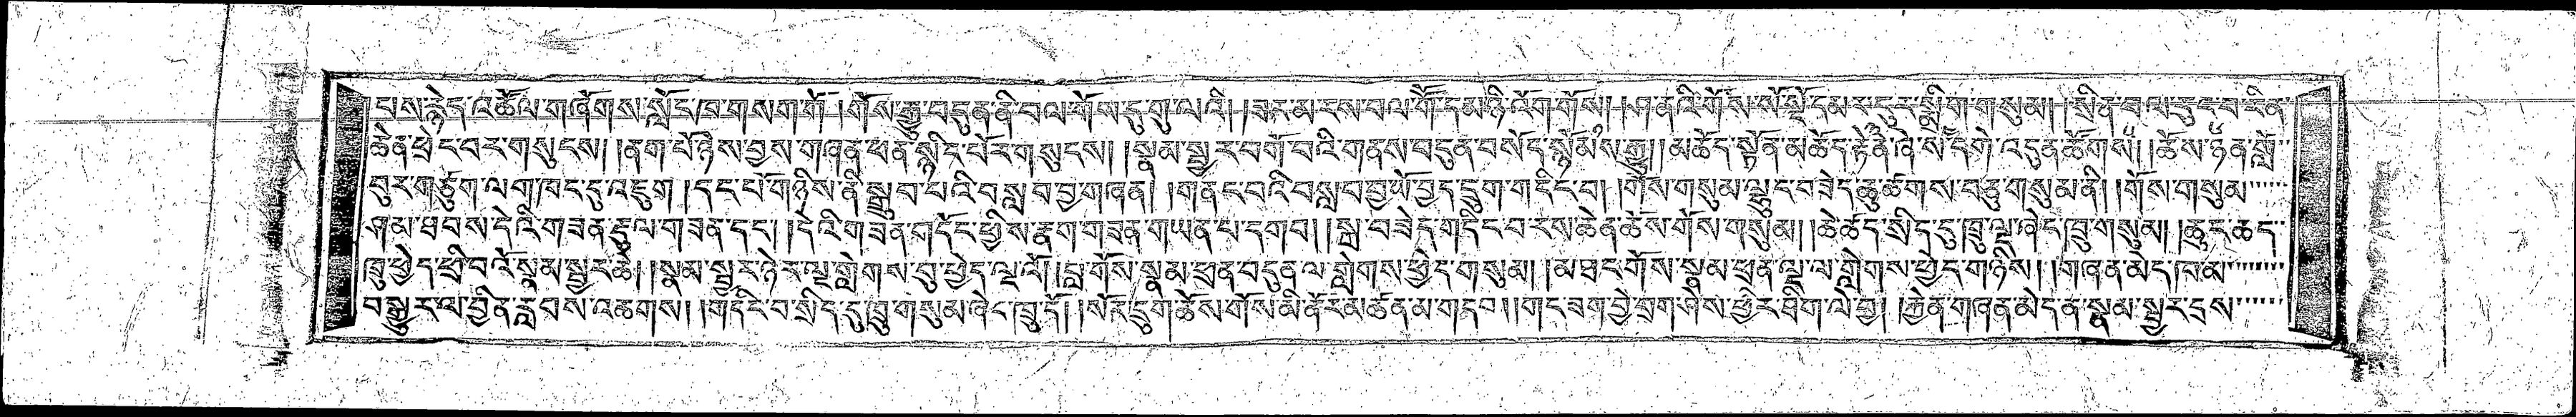པས་རྙེད་འཚེལ་གཞོགས་སློང་ཁ་གསག་གོ །གོས་རྒྱུ་བདུན་ནི་བལ་གོས་དུ་གུ་ལའི། །ཟར་མ་རས་བལ་གཽ་དམ་ཉི་འོག་གོས། །ཤ་ནའི་གོས་སོ་སྔོ་དམར་ངུར་སྨྲིག་གསུམ། །སྲིན་བལ་རང་བ་ཡིན་
ཆེན་ཕྲེང་བར་གསུངས། །ནག་པོ་ཉེས་བྱས་གཞན་ཕན་སྙིང་པོར་གསུངས། །སྣམ་སྦྱར་བགོ་བའི་གནས་བདུན་བསོད་སྙོམས ༡་རྒྱུ། །མཆོད་སྟོན་མཆོད་རྟེན ༣་ཞེ་ས ༤་དགེ་འདུན་ཚོགས ༥་། །ཆོས་ཉན ༦་གློ་
བུར་གཙུག་ལག་ཁང་དུ་འཇུག །དང་པོ་གཉིས་ནི་སྒྲུབ་པའི་བསླབ་བྱ་གཞན། །གནང་བའི་བསླབ་བྱ་ཡོ་བྱད་དྲུག་གདིང་བ། །གོས་གསུམ་ལྷུང་བཟེད་ཆུ་ཚགས་བཅུ་གསུམ་ནི། །གོས་གསུམ་
ཤམ་ཐབས་དེའི་གཟན་རྡུལ་གཟན་དང་། །དེའི་གཟན་གདོང་ཕྱིས་རྣག་གཟན་གཡན་པ་དགབ། །སྐྲ་བཟེད་གདིང་བ་རས་ཆེན་ཆོས་གོས་གསུམ། །ཆེ་ཚད་སྲིད་དུ་ཁྲུ་ལྔ་ཞེང་ཁྲུ་གསུམ། །ཆུང་ཆད་
ཁྲུ་ཕྱེད་ཕྲི་བའོ་སྣམ་སྦྱར་ཆེ། །སྣམ་སྦྱར་ཉེར་ལྔ་གླེགས་བུ་ཕྱེད་ལྔའོ། །བླ་གོས་སྣམ་ཕྲན་བདུན་ལ་གླེགས་ཕྱེད་གསུམ། །མཐང་གོས་སྣམ་ཕྲན་ལྔ་ལ་གླེགས་ཕྱེད་གཉིས། །གཞན་མེད་ཁ་མ་
བསྒྱུར་ལ་བྱིན་རླབས་འཆགས། །གདིང་བ་སྲིད་དུ་ཁྲུ་གསུམ་ཞེང་ཁྲུ་དོ། །སོར་དྲུག་ཆོས་གོས་མི་ནོར་མཚན་མ་གདབ། །གང་ཟག་བྱེ་བྲག་ཤེས་ཕྱིར་ཐིག་ལེ་བྱ། །རྐྱེན་གཞན་མེད་ན་སྣམ་སྦྱར་དྲས་